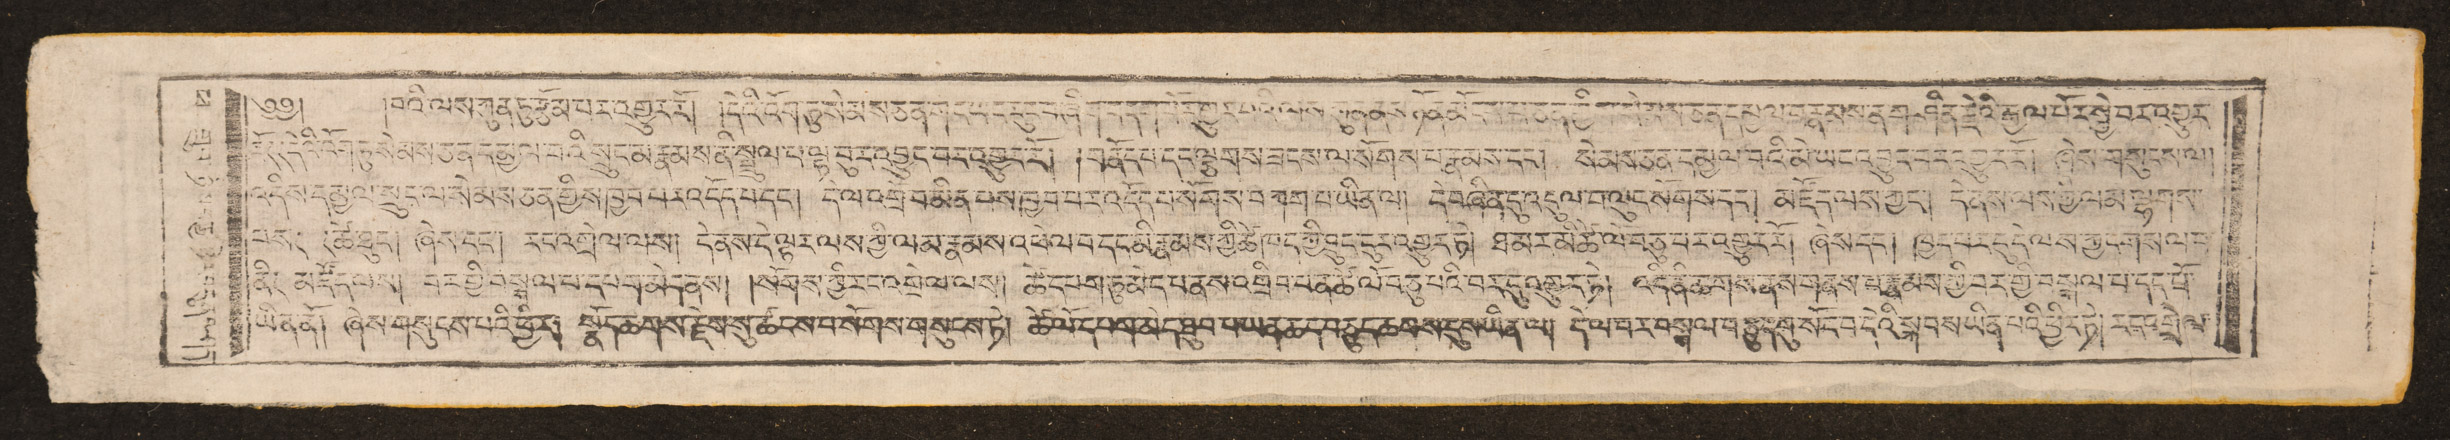༄༅། །བའི་ལས་ཀུན་ཏུ་རྩོམ་པར་འགྱུར་རོ། །དེའི་འོག་ཏུ་སེམས་ཅན་གང་ཡང་རུང་བཞིག་བདག་པོར་གྱུར་པའི་ལས་ཀུན་ནས་ཉོན་མོངས་པ་ཅན་གྱིས་སེམས་ཅན་དམྱལ་བ་རྣམས་ན་གཤིན་རྗེའི་རྒྱལ་པོར་སྐྱེ་བར་འགྱུར་
རོ༑ ༑དེའི་འོག་ཏུ་སེམས་ཅན་དམྱལ་བའི་སྲུང་མ་རྣམས་ནི་སྤྲུལ་པ་ལྟ་བུར་འབྱུང་བར་འགྱུར་རོ། །གནོད་པ་དང་ལྕགས་ཟངས་ལ་སོགས་པ་རྣམས་དང་། སེམས་ཅན་དམྱལ་བའི་མེ་ཡང་འབྱུང་བར་འགྱུར་རོ། ཞེས་གསུངས་ལ།
འདིས་དམྱལ་སྲུང་ལ་སེམས་ཅན་གྱིས་ཁྱབ་པར་འདོད་པ་དང་། དེ་ལ་འགྲོ་བ་མིན་པས་ཁྱབ་པར་འདོད་པ་སོགས་བཀག་པ་ཡིན་ལ། དེ་བཞིན་དུ་འདུལ་བ་ལུང་སོགས་དང་། མཛོད་ལས་ཀྱང་། དེ་ནས་ལས་ཀྱི་ལམ་ལྷགས་
པས༑ ༑ཚེ་ཐུང་། ཞེས་དང་། རང་འགྲེལ་ལས། དེ་ནས་དེ་ལྟར་ལས་ཀྱི་ལམ་རྣམས་འཕེལ་བ་དང་མི་རྣམས་ཀྱི་ཚེ་ཁད་ཀྱི་ཐུང་ངུར་འགྱུར་ཏེ། ཐ་མར་མི་ཚེ་ལོ་བཅུ་པར་འགྱུར་རོ། ཞེས་དང་། ཁྱད་པར་དུ་དེ་ལས་ཀྱང་གསལ་བ་
ནི༑ མཛོད་ལས། བར་གྱི་བསྐལ་པ་དཔག་མེད་ནས། །སོགས་ཀྱི་རང་འགྲེལ་ལས། ཚེ་དཔག་ཏུ་མེད་པ་ནས་འགྲིབ་པ་ན་ཚེ་ལོ་བཅུ་པའི་བར་དུ་འགྱུར་ཏེ། འདི་ནི་ཆགས་ནས་གནས་པ་རྣམས་ཀྱི་བར་གྱི་བསྐལ་པ་དང་པོ་
ཡིན་ནོ། ཞེས་གསུངས་པའི་ཕྱིར། སྣོད་ཆགས་རྗེས་སུ་ཚངས་པ་སོགས་གསུངས་ཏེ། ཚེ་ལོ་དཔག་མེད་ཐུབ་པ་ཡན་ཆད་བཅུད་ཆགས་དུས་ཡིན་ལ། དེ་ལ་བར་བསྐལ་བཅུ་དགུ་སོང་བ་དེའི་སྐབས་ཡིན་པའི་ཕྱིར་ཏེ། རང་འགྲེལ་